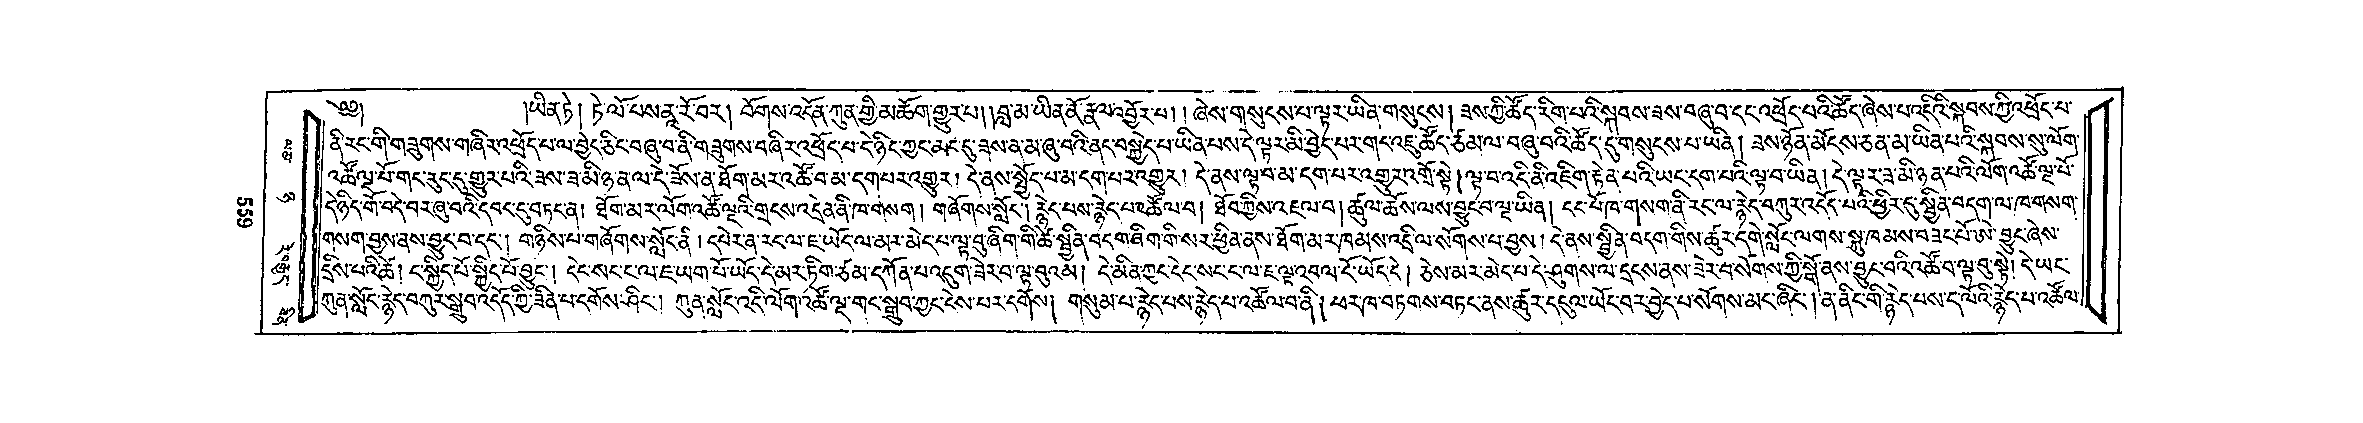༄༅། །ཡིན་ཏེ། ཏེ་ལོ་པས་ནཱ་རོ་བར། བོགས་འདོན་ཀུན་གྱི་མཆོག་གྱུར་པ། །བླ་མ་ཡིན་ནོ་རྣལ་འབྱོར་པ། །ཞེས་གསུངས་པ་ལྟར་ཡིན་གསུངས། ཟས་ཀྱི་ཚོད་རིག་པའི་སྐབས་ཟས་བཞུ་བ་དང་འཕྲོད་པའི་ཚོད་ཞེས་པ་འདིའི་སྐབས་ཀྱི་འཕྲོད་པ་
ནི་རང་གི་གཟུགས་གཞིར་འཕྲོད་པ་ལ་བྱེད་ཅིང་བཞུ་བ་ནི་གཟུགས་བཞིར་འཕྲོད་པ་དེ་ཉིད་ཀྱང་མང་དུ་ཟས་ན་མ་ཞུ་བའི་ནད་བསྐྱེད་པ་ཡིན་པས་དེ་ལྟར་མི་བྱེད་པར་གང་འཇུ་ཚོད་ཙམ་ལ་བཞུ་བའི་ཚོད་དུ་གསུངས་པ་ཡིན། ཟས་ཉོན་མོངས་ཅན་མ་ཡིན་པའི་སྐབས་སུ་ལོག་
འཚོ་ལྔ་པོ་གང་རུང་དུ་གྱུར་པའི་ཟས་ཟ་མི་ཉན་ལ་དེ་ཟོས་ན་ཐོག་མར་འཚོ་བ་མ་དག་པར་འགྱུར། དེ་ནས་སྤྱོད་པ་མ་དག་པར་འགྱུར། དེ་ནས་ལྟ་བ་མ་དག་པར་འགྱུར་འགྲོ་སྟེ། ལྟ་བ་འདི་ནི་འཇིག་རྟེན་པའི་ཡང་དག་པའི་ལྟ་བ་ཡིན། དེ་ལྟར་ཟ་མི་ཉན་པའི་ལོག་འཚོ་ལྔ་པོ་
དེ་ཉིད་གོ་བདེ་བར་ཞུ་བའི་དབང་དུ་བཏང་ན། ཐོག་མར་ལོག་འཚོ་ལྔའི་གྲངས་འདྲེན་ནི་ཁ་གསག །གཞོགས་སློང་། རྙེད་པས་རྙེད་པ་འཚོལ་བ། ཐོབ་ཀྱིས་འཇལ་བ། ཚུལ་ཆོས་ལས་བྱུང་བ་ལྔ་ཡིན། དང་པོ་ཁ་གསག་ནི་རང་ལ་རྙེད་བཀུར་འདོད་པའི་ཕྱིར་དུ་སྦྱིན་བདག་ལ་ཁ་གསག་
གསག་བྱས་ནས་བྱུང་བ་དང་། གཉིས་པ་གཞོགས་སློང་ནི། དཔེར་ན་རང་ལ་ཇ་ཡོད་ལ་མར་མེད་པ་ལྟ་བུ་ཞིག་གི་ཚེ་སྦྱིན་བདག་ཞིག་གི་སར་ཕྱིན་ནས་ཐོག་མར་ཁམས་འདྲི་ལ་སོགས་པ་བྱས། དེ་ནས་སྦྱིན་བདག་གིས་ཚུར་དགེ་སློང་ལགས་སྐུ་ཁམས་བཟང་པོ་ཨེ་བྱུང་ཞེས་
དྲིས་པའི་ཚེ། ང་སྐྱིད་པོ་སྐྱིད་པོ་བྱུང་། དེང་སང་ང་ལ་ཇ་ཡག་པོ་ཡོད་དེ་མར་ཏིག་ཙམ་དཀོན་པ་འདུག་ཟེར་བ་ལྟ་བུའམ། དེ་མིན་ཀྱང་དེང་སང་ང་ལ་ཇ་ལྟ་འབལ་དོ་ཡོད་དེ། ཅེས་མར་མེད་པ་དེ་ཤུགས་ལ་དྲངས་ནས་ཟེར་བ་སོགས་ཀྱི་སྒོ་ནས་བྱུང་བའི་འཚོ་བ་ལྟ་བུ་སྟེ། དེ་ཡང་
ཀུན་སློང་རྙེད་བཀུར་སྒྲུབ་འདོད་ཀྱི་ཟིན་པ་དགོས་ཤིང་། ཀུན་སློང་འདི་ལོག་འཚོ་ལྔ་གང་སྒྲུབ་ཀྱང་ངེས་པར་དགོས། གསུམ་པ་རྙེད་པ་འཚོལ་བ་ནི། ཕར་ཁ་བཏགས་བཏང་ནས་ཚུར་དངུལ་ཡོང་བར་བྱེད་པ་སོགས་མང་ཞིང་། ན་ནིང་གི་རྙེད་པས་ད་ལོའི་རྙེད་པ་འཚོལ་